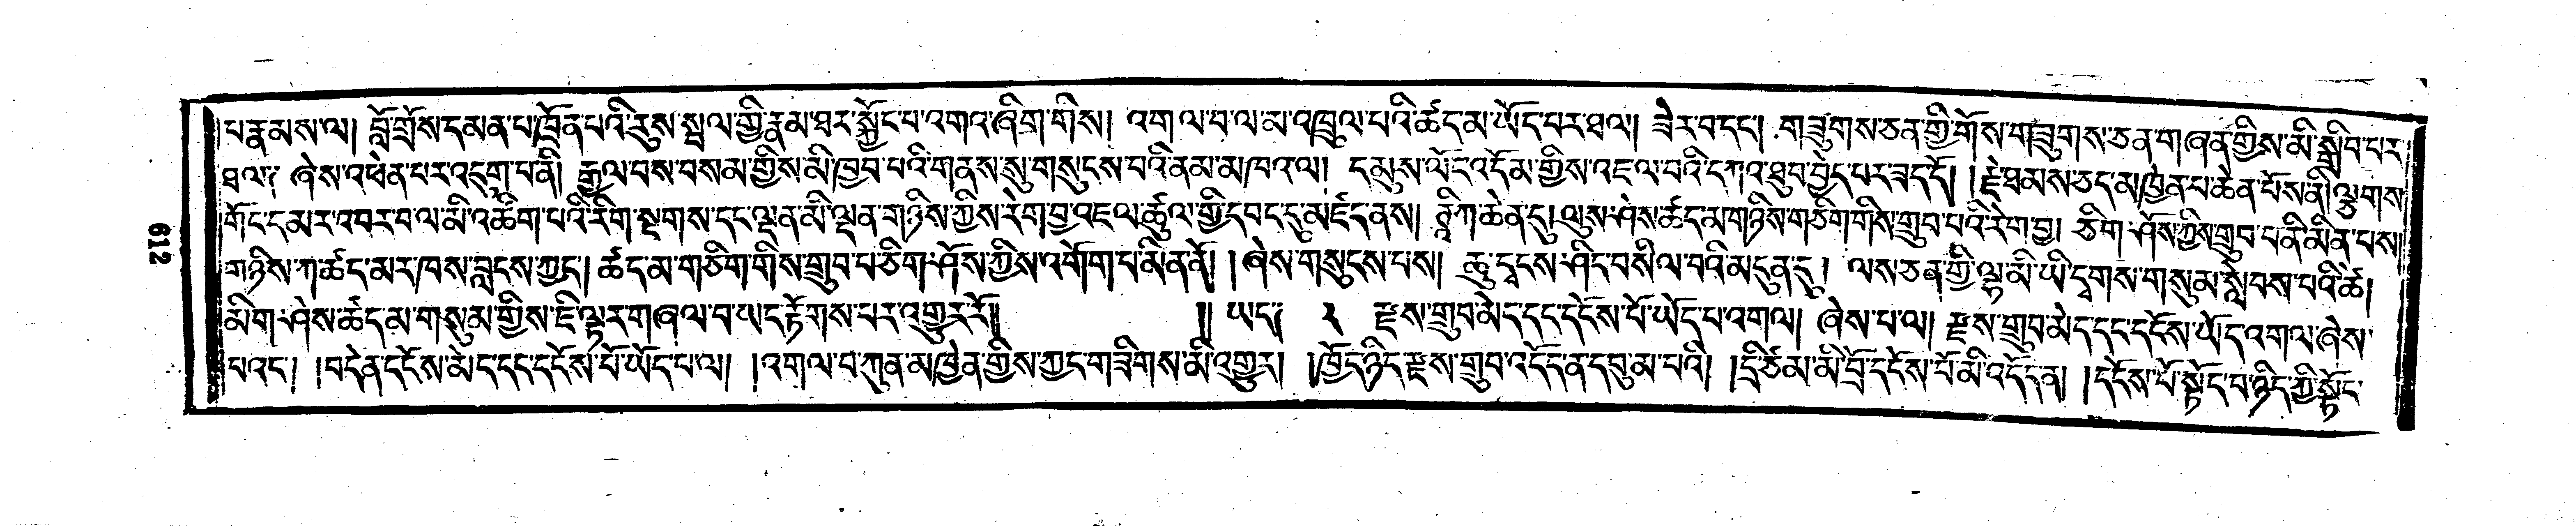པ་རྣམས་ལ། བློ་གྲོས་དམན་པ་ཁྲོན་པའི་རུས་སྦལ་གྱི་རྣམ་ཐར་སྐྱོང་བ་འགའ་ཞིག་གིས། འགལ་བ་ལ་མ་འཁྲུལ་བའི་ཚད་མ་ཡོད་པར་ཐལ། ཟེར་བ་དང་། གཟུགས་ཅན་གྱི་གོས་གཟུགས་ཅན་གཞན་གྱིས་མི་སྒྲིབ་པར་
ཐལ༑ ཞེས་འཕེན་པར་འདུག་པ་ནི། རྒྱལ་བས་བསམ་གྱིས་མི་ཁྱབ་པའི་གནས་སུ་གསུངས་པའི་ནམ་མཁའ་ལ། དམུས་ལོང་འདོམ་གྱིས་འཇལ་བའི་དཀའ་ཐུབ་བྱེད་པར་ཟད་དོ། །རྗེ་ཐམས་ཅད་མཁྱེན་པ་ཆེན་པོས་ནི། ལྕགས་
གོང་དམར་འབར་བ་ལ་མི་འཚིག་པའི་རིག་སྔགས་དང་ལྡན་མི་ལྡན་གཉིས་ཀྱིས་རེག་བྱ་འཇལ་ཚུལ་གྱི་དབང་དུ་མཛད་ནས། ཊཱིཀ་ཆེན་དུ། ལུས་ཤེས་ཚད་མ་གཉིས་གཅིག་གིས་གྲུབ་པའི་རེག་བྱ། ཅིག་ཤོས་ཀྱིས་གྲུབ་པ་ནི་མིན་པས།
གཉིས་ཀ་ཚད་མར་ཁས་བླངས་ཀྱང་། ཚད་མ་གཅིག་གིས་གྲུབ་པ་ཅིག་ཤོས་ཀྱིས་འགོག་པ་མིན་ནོ། །ཞེས་གསུངས་པས། ཆུ་དྭངས་ཤིང་བསིལ་བའི་མདུན་དུ། ལས་ཅན་གྱི་ལྷ་མི་ཡི་དྭགས་གསུམ་སླེབས་པའི་ཚེ།
མིག་ཤེས་ཚད་མ་གསུམ་གྱི་ས་ཇི་ལྟར་གཞལ་བ་ཡང་རྟོགས་པར་འགྱུར་རོ།། །།ཡང་། ༨་རྫས་གྲུབ་མེད་དང་དངོས་པོ་ཡོད་པ་འགལ། ཞེས་པ་ལ། རྫས་གྲུབ་མེད་དང་དངོས་ཡོད་འགལ་ཞེས་
པའང་། །བདེན་དངོས་མེད་དང་དངོས་པོ་ཡོད་པ་ལ། །འགལ་བ་ཀུན་མཁྱེན་གྱིས་ཀྱང་གཟིགས་མི་འགྱུར། །ཁྱོད་ཉིད་རྫས་གྲུབ་འདོད་ན་དབུ་མ་པའི། །དྲི་ཙམ་མི་བྲོ་དངོས་པོ་མི་འདོད་ན། །དངོས་པོ་སྟོང་པ་ཉིད་ཀྱི་སྟོང་